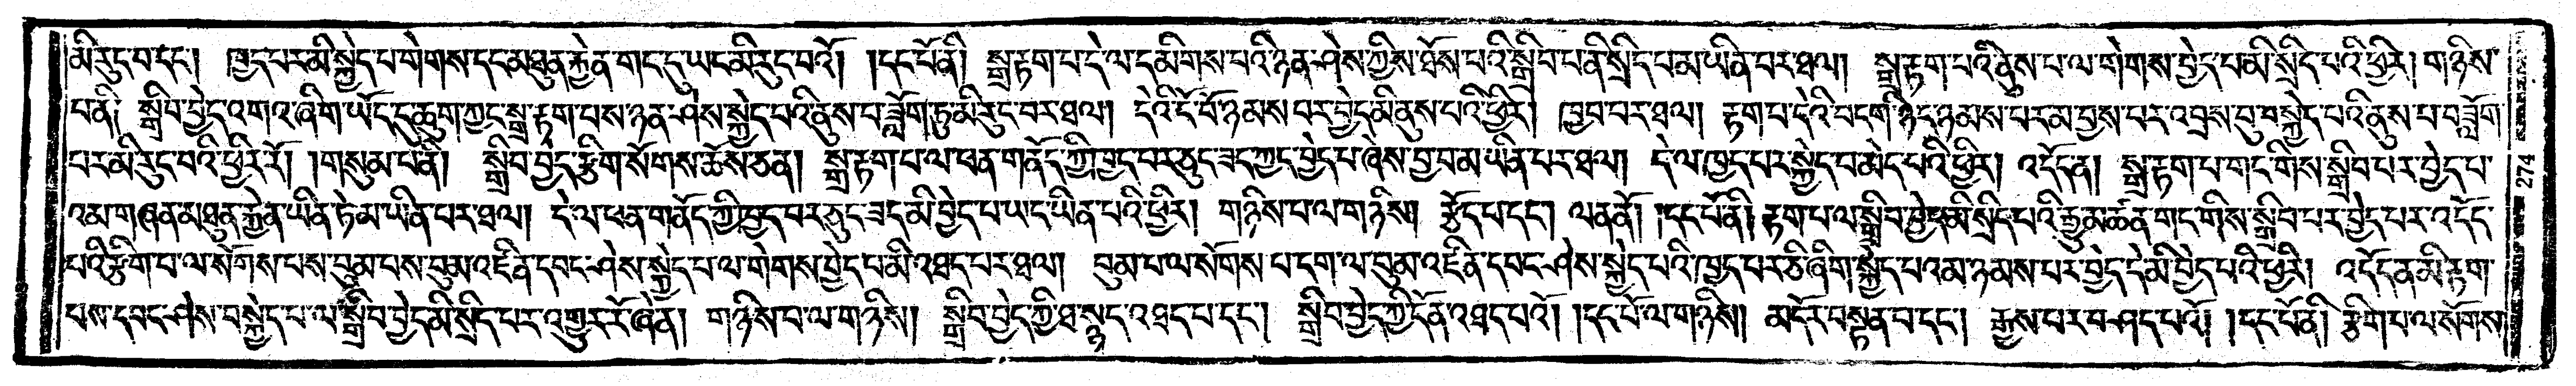མི་རུང་བ་དང་། ཁྱད་པར་མི་སྐྱེད་པ་གེགས་དང་མཐུན་རྐྱེན་གང་དུ་ཡང་མི་རུང་བའོ། །དང་པོ་ནི། སྒྲ་རྟག་པ་དེ་ལ་དམིགས་པའི་ཉན་ཤེས་ཀྱིས་ཐོས་པའི་སྒྲིབ་པ་ནི་སྲིད་པ་མ་ཡིན་པར་ཐལ། སྒྲ་རྟག་པའི་ནུས་པ་ལ་གེགས་བྱེད་པ་མི་སྲིད་པའི་ཕྱིར། གཉིས་
པ་ནི༑ སྒྲིབ་བྱེད་འགའ་ཞིག་ཡོད་དུ་ཆུག་ཀྱང་སྒྲ་རྟག་པས་ཉན་ཤེས་སྐྱེད་པའི་ནུས་པ་ཟློག་ཏུ་མི་རུང་བར་ཐལ། དེའི་ངོ་བོ་ཉམས་བར་བྱེད་མི་ནུས་བའི་ཕྱིར། ཁྱབ་པར་ཐལ། རྟག་པ་དེའི་བདག་ཉིད་ཉམས་པར་མ་བྱས་པར་འབྲས་བུ་བསྐྱེད་པའི་ནུས་པ་བཟློག་
པར་མི་རུང་བའི་ཕྱིར་རོ། །གསུམ་པ་ནི། སྒྲིབ་བྱེད་རྩིག་སོགས་ཆོས་ཅན། སྒྲ་རྟག་པ་ལ་ཕན་གནོད་ཀྱི་ཁྱད་པར་ཅུང་ཟད་ཀྱང་བྱེད་པ་ཞེས་བྱ་བ་མ་ཡིན་པར་ཐལ། དེ་ལ་ཁྱད་པར་སྐྱེད་པ་མེད་པའི་ཕྱིར། འདོད་ན། སྒྲ་རྟག་པ་གང་གིས་སྒྲིབ་པར་བྱེད་པ་
འམ་གཞན་མཐུན་རྐྱེན་ཡིན་ཏེ་མ་ཡིན་པར་ཐལ། དེ་ལ་ཕན་གནོད་ཀྱི་ཁྱད་པར་ཅུང་ཟད་མི་བྱེད་པ་ཡང་ཡིན་པའི་ཕྱིར། གཉིས་པ་ལ་གཉིས། རྩོད་པ་དང་། ལན་ནོ། །དང་པོ་ནི། རྟག་པ་ལ་སྒྲིབ་བྱེད་མི་སྲིད་པའི་རྒྱུ་མཚན་གང་གིས་སྒྲིབ་པར་བྱེད་པར་འདོད་
པའི་རྩིག་པ་ལ་སོགས་པས་བུམ་པས་བུམ་འཛིན་དབང་ཤེས་སྐྱེད་པ་ལ་གེགས་བྱེད་པ་མི་འཐད་པར་ཐལ། བུམ་པ་ལ་སོགས་པ་དག་ལ་བུམ་འཛིན་དབང་ཤེས་སྐྱེད་པའི་ཁྱད་པར་ཅི་ཞིག་སྐྱེད་པའམ་ཉམས་པར་བྱེད་དེ་མི་བྱེད་པའི་ཕྱིར། འདོད་ན་མི་རྟག་
པས་དབང་ཤེས་བསྐྱེད་པ་ལ་སྒྲིབ་བྱེད་མི་སྲིད་པར་འགྱུར་རོ་ཞེ་ན། གཉིས་པ་ལ་གཉིས། སྒྲིབ་བྱེད་ཀྱི་ཐ་སྙད་འཐད་པ་དང་། སྒྲིབ་བྱེད་ཀྱི་དོན་འཐད་པའོ། །དང་པོ་ལ་གཉིས། མདོར་བསྟན་པ་དང་། རྒྱས་པར་བཤད་པའོ། །དང་པོ་ནི། རྩིག་པ་ལ་སོགས་